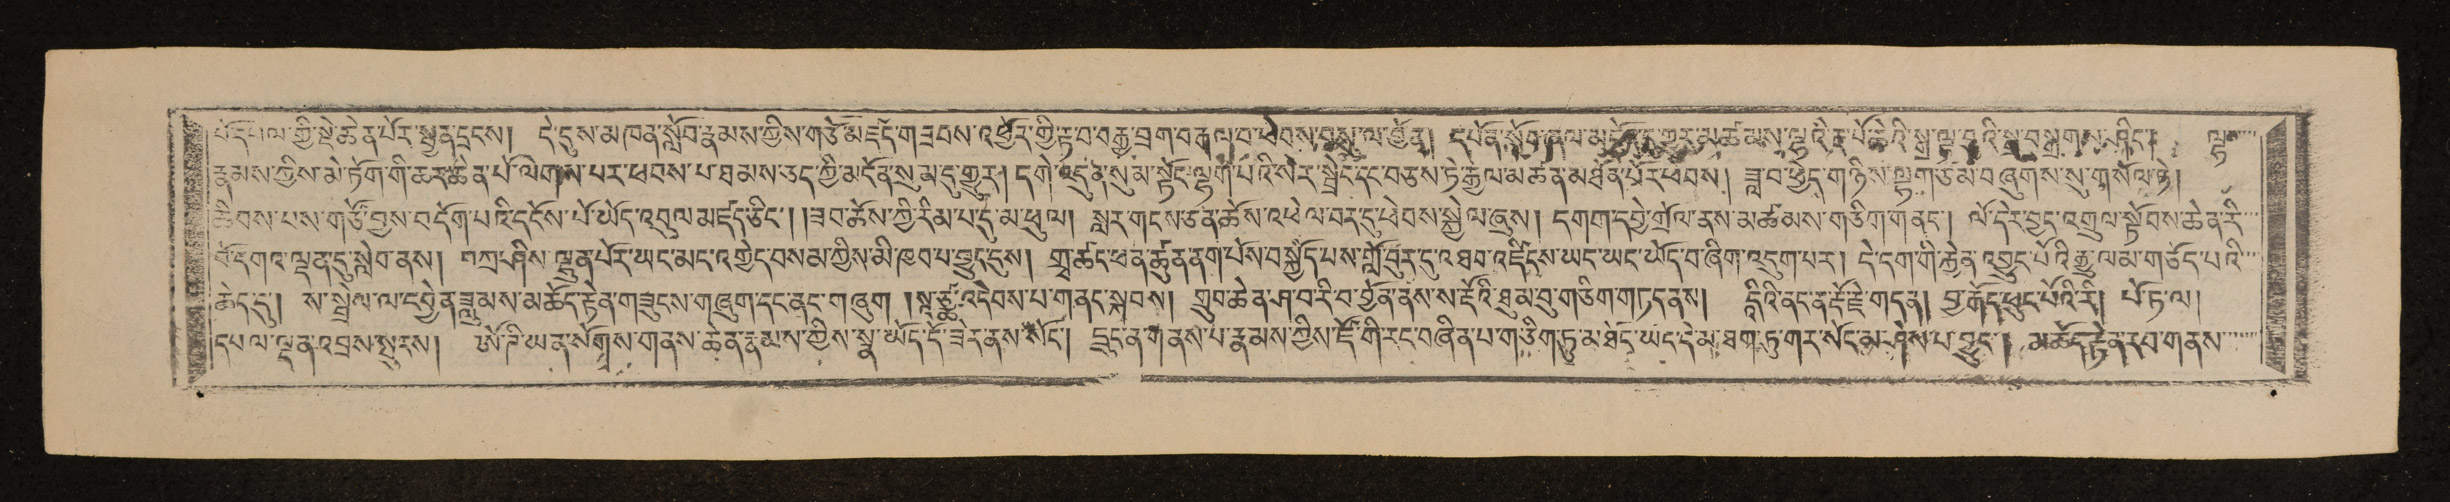པོ་དཔལ་གྱི་སྡེ་ཆེན་པོར་སྤྱན་དྲངས། དེ་དུས་མཁན་སློབ་རྣམས་ཀྱིས་གཙོ་མཛད་གཟབས་འཕྱོར་གྱི་རྟ་བ་བརྒྱ་ཕྲག་བརྒལ་བ་ཕེབས་བསུལ་བྱོན། དཔོན་སློབ་ཞལ་མངོན་དུ་གྱུར་མཚམས་ལྷའི་རྔ་བོ་ཆེའི་སྒ་ལྟ་བུའི་སྒྲ་བསྒྲགས་ཤིང་། ལྷ་
རྣམས་ཀྱིས་མེ་ཏོག་གི་ཆར་ཆེན་པོ་ལེགས་པར་ཕབས་པ་ཐམས་ཅད་ཀྱི་མངོན་སུམ་དུ་གྱུར། དགེ་འདུན་སུམ་སྟོང་ལྷག་པའི་སར་སྦྲེང་དང་བཅས་ཏེ་རྒྱལ་མཚན་མཐོན་པོར་ཕེབས། ཟླ་བ་ཕྱེད་གཉིས་ལྷག་ཙམ་བཞུགས་སུ་གསོལ་ཏེ།
ཆིབས་པས་གཙོ་བྱས་བདོག་པའི་དངོས་པོ་ཡོད་འབུལ་མཛད་ཅིང་། ཟབ་ཆོས་ཀྱི་རིམ་པ་དུ་མ་ཕུལ། སླར་གངས་ཅན་ཆོས་འཕེལ་བར་དུ་ཕེབས་སྐྱེལ་ཞུས། དགག་དབྱེ་གྲོལ་ནས་མཚམས་གཅིག་གནང་། ལོ་དེར་བྱང་འགྲུལ་སྟོབས་ཆེན་རི་
བོ་དགའ་ལྡན་དུ་སླེབ་ནས། བཀྲ་ཤིས་ལྷུན་པོར་ཡང་མང་འགྱེད་བསམ་ཀྱིས་མི་ཁྱབ་པ་བྱུང་དུས། གྲྭ་ཚང་ཕན་ཚུན་ནག་པོས་བསྐྱོད་པས་གློ་བུར་དུ་འཐབ་འཛིངས་ཡང་ཡང་ཡོང་བ་ཞིག་འདུག་པར། དེ་དག་གི་རྐྱེན་འབྱུང་པོའི་རྒྱུ་ལམ་གཅོད་པའི་
ཆེད་དུ། ས་སྤྲེལ་ལ་དབྱེན་ཟླུམས་མཆོད་རྟེན་གཟུངས་གཞུག་དང་ནང་གཞུག །སཱ་ཙྪ་འདེབས་པ་གནང་སྐབས། གྲུབ་ཆེན་ཤ་བ་རི་བ་བྱོན་ནས་ས་རྡོའི་ཐུམ་བུ་གཅིག་གཏད་ནས། འདིའི་ནང་ན་རྡོ་རྗེ་གདན། བྱ་རྒོད་ཕུང་པོའི་རི། པོ་ཏ་ལ།
དཔལ་ལྡན་འབྲས་སྤུངས། ཨོ་ཌི་ཡན་སོགས་གནས་ཆེན་རྣམས་ཀྱི་ས་སྣ་ཡོད་དོ་ཟེར་ནས་སོང་། དྲུང་ན་གནས་པ་རྣམས་ཀྱིས་ཛོ་གི་རང་བཞིན་པ་གཅིག་ཏུ་མཐོང་ཡང་དེ་མ་ཐག་ཏུ་གར་སོང་མ་ཤེས་པ་བྱུང་། མཆོད་རྟེན་རབ་གནས་